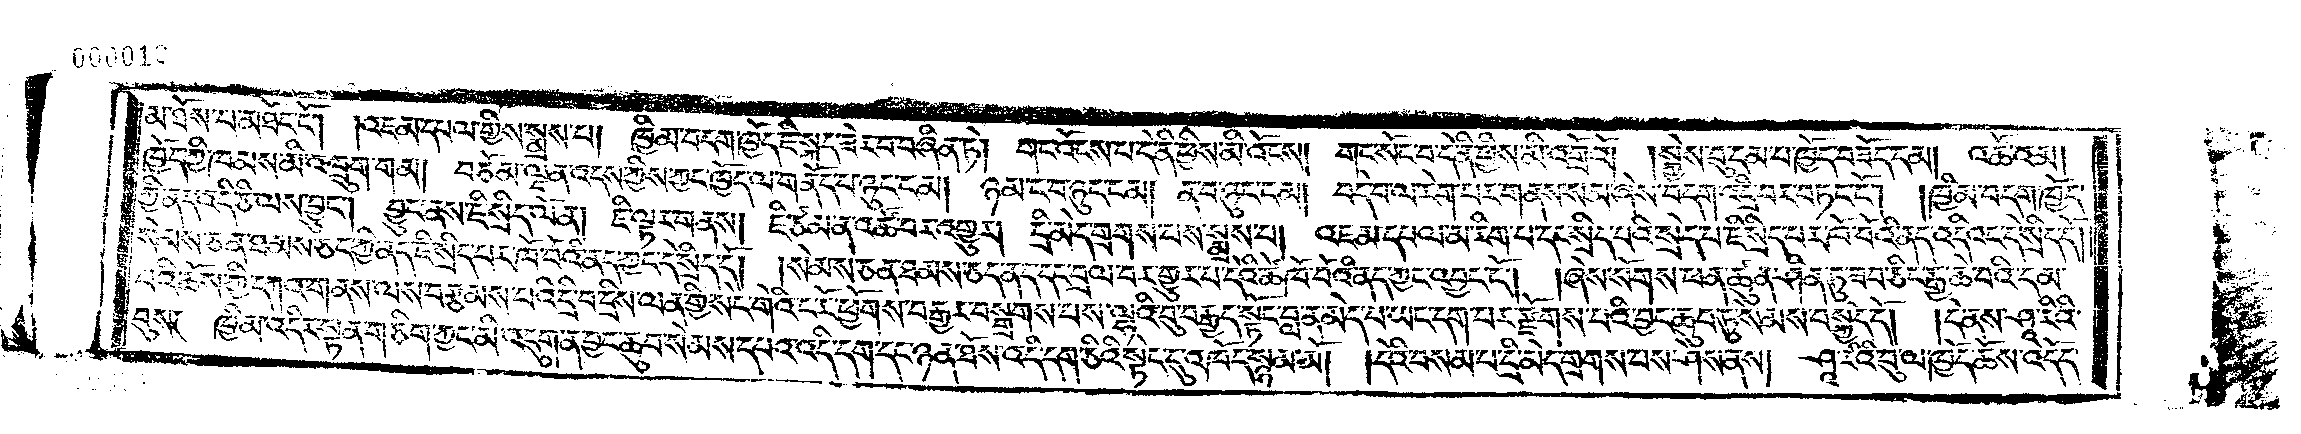མ་ཐོས་པ་མཐོང་ངོ། །འཇམ་དཔལ་གྱིས་སྨྲས་པ། ཁྱིམ་བདག་ཁྱོད་ཇི་སྐད་ཟེར་བ་བཞིན་ཏེ། གང་འོངས་པ་དེ་ནི་ཕྱིས་མི་འོངས། གང་སོང་བ་དེ་ནི་ཕྱིས་མི་འགྲོའོ། །སྐྱེས་བུ་དམ་པ་ཁྱོད་བཟོད་དམ། འཚོ་འམ།
ཁྱོད་ཀྱི་ཁམས་མི་འཁྲུག་གམ། བཅོམ་ལྡན་འདས་ཀྱིས་ཀྱང་ཁྱོད་ལ་གནོད་པ་ཉུང་ངམ། ཉམ་ང་བ་ཉུང་ངམ། ན་བ་ཉུང་ངམ། བདེ་བ་ལ་རེག་པར་གནས་སམ་ཞེས་བདག་འདྲི་བར་བཏང་ངོ། །ཁྱིམ་བདག་ཁྱོད་
ཀྱི་ནད་འདི་ཅི་ལས་བྱུང་། བྱུང་ནས་ཇི་སྲིད་ལོན། ཇི་ལྟར་གནས། ཇི་ཙམ་ན་འཚོ་བར་འགྱུར། དྲི་མེད་གྲགས་པས་སྨྲས་པ། འཇམ་དཔལ་མ་རིག་པ་དང་སྲིད་པའི་སྲེད་པ་ཇི་སྲིད་པར་ཁོ་བོའི་ནད་འདྲིའང་དེ་སྲིད་དོ། །
སེམས་ཅན་ཐམས་ཅད་ཀྱི་ནད་ཇི་སྲིད་པར་ཁོ་བོའི་ནད་ཀྱང་དེ་སྲིད་དོ། །སེམས་ཅན་ཐམས་ཅད་ནད་དང་བྲལ་བར་གྱུར་པ་དེའི་ཚེ་ཁོ་བོའི་ནད་ཀྱང་འབྱང་ངོ། །ཞེས་སོགས་ཕན་ཚུན་ཤིན་ཏུ་ཟབ་ཅིང་རྒྱ་ཆེ་བའི་དམ་
པའི་ཆོས་ཀྱི་དཀའ་གནས་ལས་བརྩམས་པའི་དྲི་བ་དྲིས་ལན་གྱི་སེང་གེའི་ང་རོ་ཕྱོགས་བརྒྱར་བསྒྲགས་པས་ལྷའི་བུ་བརྒྱད་སྟོང་བླ་ན་མེད་པ་ཡང་དག་པར་རྫོགས་པའི་བྱང་ཆུབ་ཏུ་སེམས་བསྐྱེད་དོ། །དེ་ནས་ཤཱ་རིའི་
བུས༑ ཁྱིམ་འདིར་སྟན་གཅིག་ཀྱང་མི་འདུག་ན་བྱང་ཆུབ་སེམས་དཔའ་འདི་དག་དང་ཉན་ཐོས་འདི་དག་ཅིའི་སྟེང་དུ་འཁོད་སྙམ་མོ། །དེའི་བསམ་པ་དྲི་མེད་གྲགས་པས་ཤེས་ནས། ཤཱ་རིའི་བུ་ལ་ཁྱོད་ཆོས་འདོད་